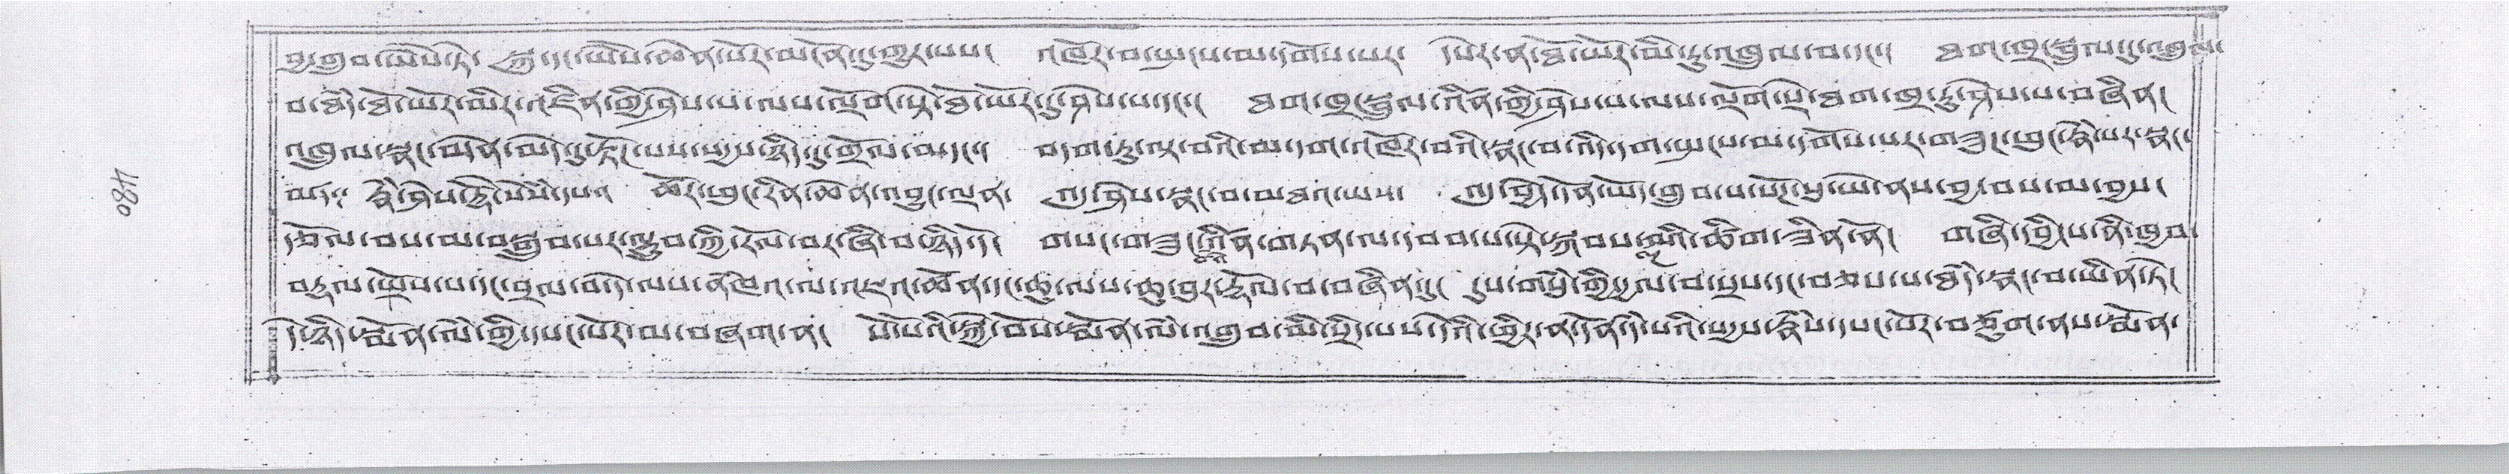བྱ་གྲུབ་ཡེ་ཤེས་ཏེ། སྐུ་དང་ཡེ་ཤེས་ཆེན་པོར་མངོན་དུ་གྱུར་པས། འཁོར་བ་སྤངས་མ་དགོས་པར་དཔེར་ན། ཐོ་ཡོར་མི་རུ་འཁྲུལ་པ་དང་། ཐག་ཁྲ་སྦྲུལ་དུ་འཁྲུལ་
པ་ཐམས་ཅད་ཐོ་ཡོར་མིར་འཛིན་གྱི་ཤེས་པ་ལས་ལྡོག་སྟེ་ཐོ་ཡོར་དུ་ཤེས་པ་དང་། ཐག་ཁྲག་སྦྲུལ་འཛིན་གྱི་ཤེས་པ་ལས་ལྡོག་སྟེ་ཐག་ཁྲ་རུ་ཤེས་པ་བཞིན། 
འཁྲུལ་སྣང་བདེན་མེད་དུ་རྟོགས་པས་སངས་རྒྱས་ཉིད་དུ་གྲོལ་བ་དང་། བདག་ཏུ་ལྟ་བའི་མ་དག་འཁོར་བའི་སྣང་བ་འདི་དག་སྤང་མ་དགོས་པར་གཟུགས་ཕུང་རྣམ་པར་སྣང་
མེད། རྣམ་ཤེས་རྡོ་རྗེ་སེམས་དཔའ། ཚོར་ཕུང་རིན་ཆེན་འབྱུང་ལྡན། འདུ་ཤེས་སྣང་བ་མཐའ་ཡས། འདུ་བྱེད་དོན་ཡོད་གྲུབ་པ་སོགས་སུ་ཡེ་ནས་བྱ་བས་མ་བྱས། 
རྩོལ་བས་མ་བསྒྲུབས་པར་ལྷུན་གྲུབ་ཀྱི་རོལ་པར་ཞི་བ་ཉིད་དོ། གསང་བ་གཟུང་འཛིན་གཏན་ལ་དབབ་པ་སྟེ་སྐབས་ལྔ་པའི་ཚིག་ཟིན་ནོ། གཞི་དབྱིངས་ནི་ཁྱབ་
བརྡལ་སྤྲོས་པ་དང་བྲལ་བ་དེ་ལས་ནམ་མཁའ་ལ་འཇའ་ཚོན་དང་ཆུ་ལས་ཆུ་བུར་བརྡོལ་བ་བཞིན་དུ། དུས་གསུམ་གྱི་རྒྱལ་བ་སྲས་དང་བཅས་པ་སྣང་བ་ཡིན་ཏེ། 
དེ་ཉིད་སྨོན་ལམ་གྱི་དཔང་པོར་མ་བཞག་ན། སོ་སོའི་སྐྱེ་བོས་སྨོན་ལམ་འགྲུབ་མི་སྲིད་པས་དེའི་ཕྱིར་ན་དོན་དམ་པའི་སངས་རྒྱས་རྣམས་དཔང་པོར་བཙུག་ནས་སྨོན་